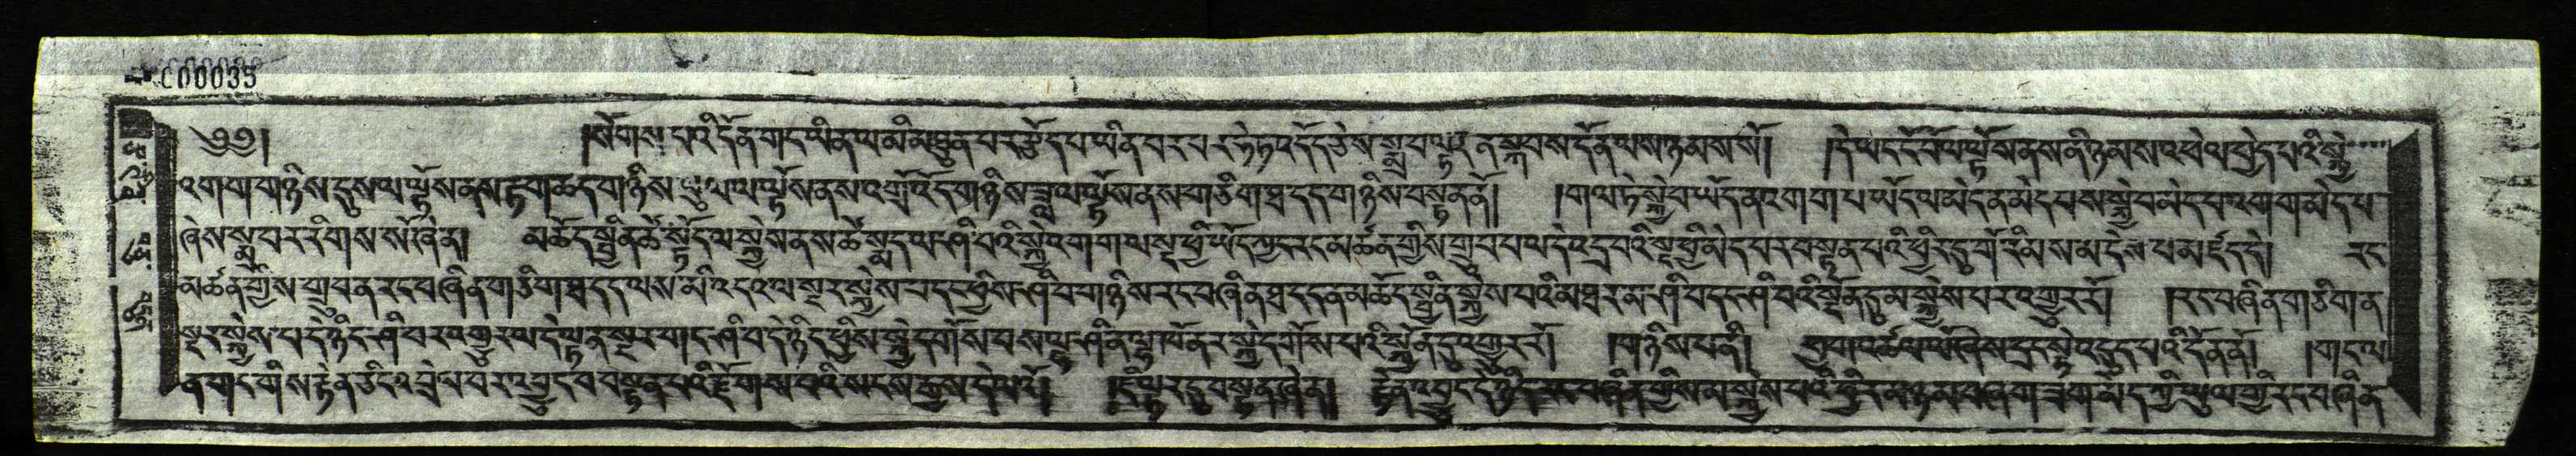༄༅། །སོགས་པའི་དོན་གང་ཡིན་ལ་མི་མཐུན་པར་རྩོད་པ་ཡིན་པར་པར་ཧེ་ཏ་འདོད་ཅེས་སྨྲ་བ་ལྟར་ན་སྐབས་དོན་ལས་ཉམས་སོ། །དེ་ཡང་ངོ་བོ་ལ་ལྟོས་ནས་ནི་ཉམས་འཕེལ་བྱེད་པའི་སྐྱེ་
འགག་གཉིས་དུས་ལ་ལྟོས་ནས་རྟག་ཆད་གཉིས་ཡུལ་ལ་ལྟོས་ནས་འགྲོ་འོད་གཉིས་ཟླ་ལ་ལྟོས་ནས་གཅིག་ཐ་དད་གཉིས་བསྟན་ནོ། །གལ་ཏེ་སྐྱེ་བ་ཡོད་ན་འགག་པ་ཡོད་ལ་མེད་ན་མེད་པས་སྐྱེ་བ་མེད་པ་འགག་མེད་པ་
ཞེས་སྨྲ་བར་རིགས་སོ་ཞེ་ན། མཆོད་སྦྱིན་ཚོ་སྟོད་ལ་སྐྱེས་ནས་ཚོ་སྨད་ལ་ཤི་བའི་སྐྱེ་འགག་ལ་སྔ་ཕྱི་ཡོད་ཀྱང་རང་མཚན་གྱིས་གྲུབ་པ་ལ་དེ་འདྲ་བའི་སྔ་ཕྱི་མེད་པར་བསྟན་པའི་ཕྱིར་དུ་གོ་རིམས་མ་དེས་པ་མཛད་དེ། རང་
མཚན་གྱིས་གྲུབ་ན་རང་བཞིན་གཅིག་ཐ་དད་ལས་མི་འདའ་ལ་སྔར་སྐྱེས་པ་དང་ཕྱིས་ཤི་བ་གཉིས་རང་བཞིན་ཐ་དད་ན་མཆོད་སྦྱིན་སྐྱེས་པའི་མཐར་མ་ཤི་བ་དང་ཤི་བའི་སྔོན་དུ་མ་སྐྱེས་པར་འགྱུར་རོ། །རང་བཞིན་གཅིག་ན་
སྔར་སྐྱེས་པ་དེ་ཉིད་ཤི་བར་འགྱུར་ལ་དེ་ལྟ་ན་སྔར་གང་ཤི་བ་དེ་ཉིད་ཕྱིས་སྐྱེ་དགོས་པས་ལྷ་ཤིན་ལྷ་ཁོ་ནར་སྐྱེ་དགོས་པའི་སྐྱོན་དུ་འགྱུར་རོ། །གཉིས་པ་ནི། ཕྱག་འཚལ་ལོ་ཞེས་དྲང་སྟེ་འདུད་པའི་དོན་ནོ། །གང་ལ་
ན་གང་གིས་རྟེན་ཅིང་འབྲེལ་བར་འབྱུང་བ་བསྟན་པའི་རྫོགས་པའི་སངས་རྒྱས་དེ་ལའོ། །ཇི་ལྟར་དུ་བསྟན་ཞེ་ན། རྟེན་འབྱུང་དེ་ཉིད་རང་བཞིན་གྱིས་མ་སྐྱེས་པའི་ཕྱིར་མཉམ་བཞག་ཟག་མེད་ཀྱི་ཡུལ་གྱི་རང་བཞིན་